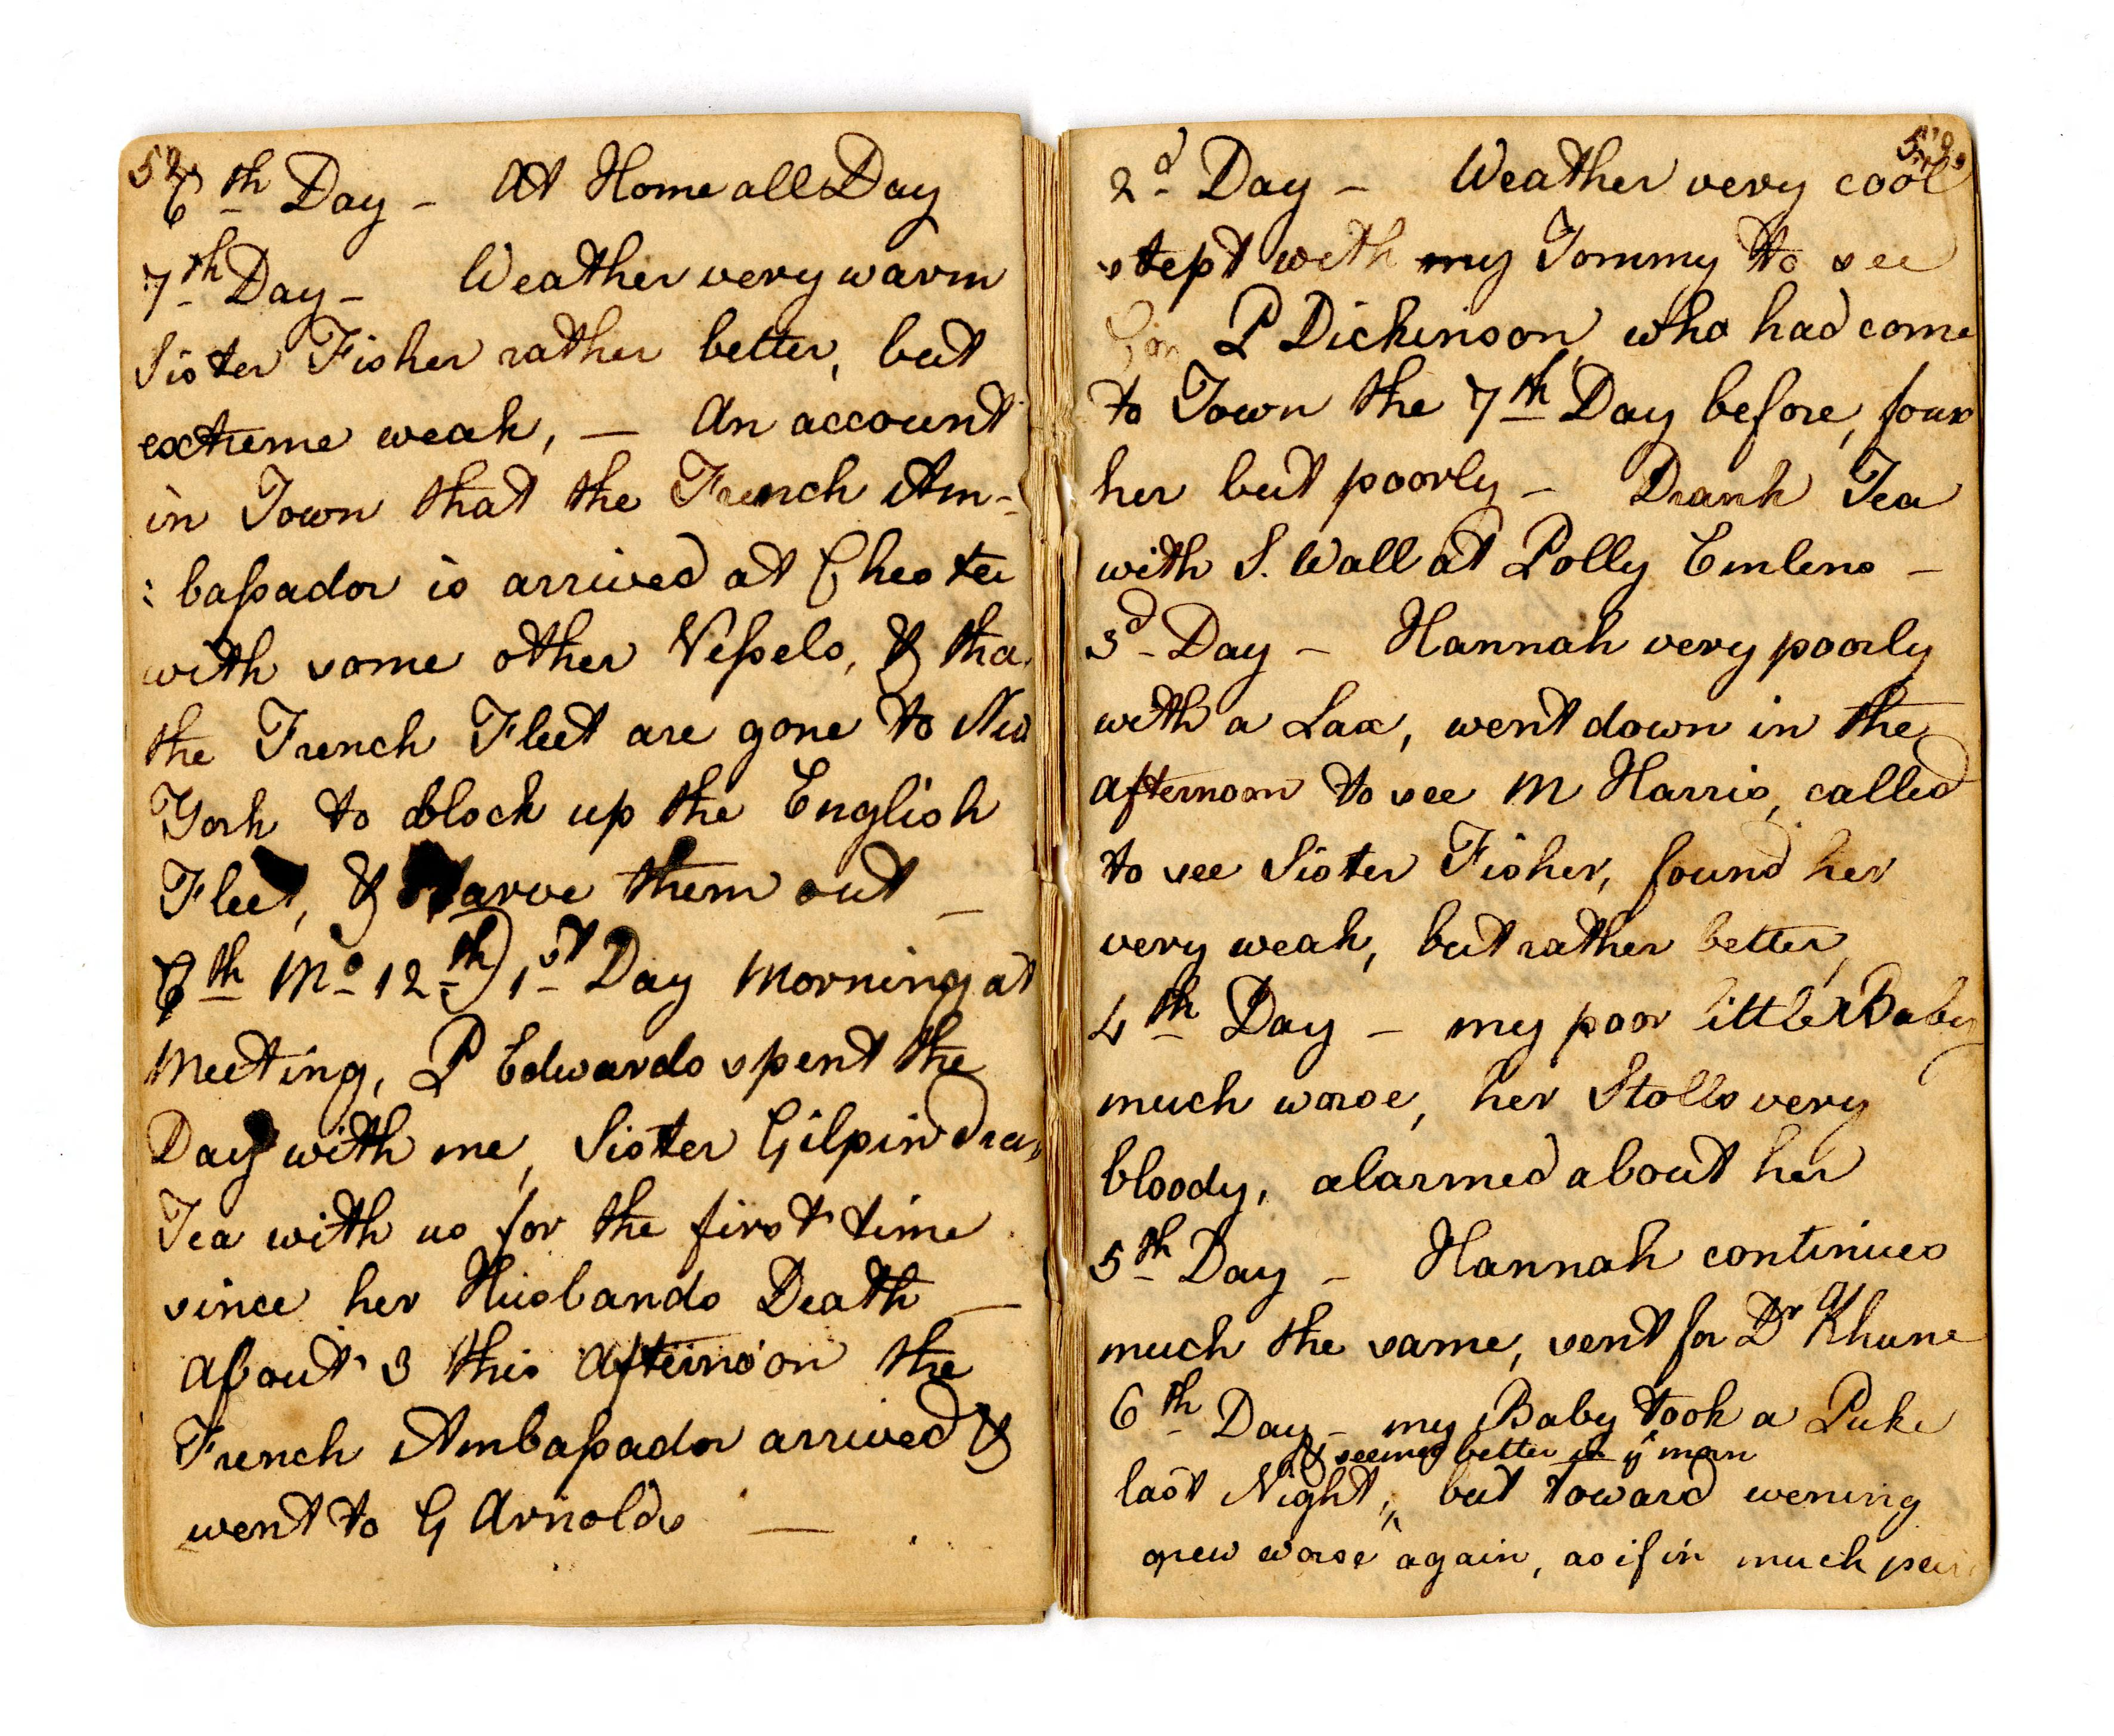52
6^th Day- At Home all Day
7^th Day- Weather very warm
Sister Fisher rather better, but
extreme weak,- An account
in Town that the French Am-
-bassador is arrived at Chester
with some other Vessels, & tha
the French Fleet are gone to New
York to block up the English
Fleet, & starve them out
6^th M^o 12^th) 1^st Day Morning at
Meeting, P Edwards spent the
Day with me, Sister Gilpin dran
Tea with us for the first time
since her Husbands Death-
about 3 this Afternoon the
French Ambassador arrived &
went to G Arnolds-
53
2^d Day- Weather very cool
stept Iwith my Tommy to see
Coz P Dickinson who had come
to Town the 7^th Day before, foun
her but poorly- Drank Tea
with S. Wall at Polly Emlens-
3^d Day- Hannah very poorly
with a Lax, went down in the
Afternoon to see M Harris, called
to see Sister Fisher, found her
very weak, but rather better,
4^th Day- my poor little Baby
much worse, her Stolls very
bloody, alarmed about her
5^th Day- Hannah continues
much the same, sent for D^r Khune
6^th Day- my Baby took a Puke
& seemed better in y^e morn
last Night, ^ but toward evening
grew worse again, as if in much pe